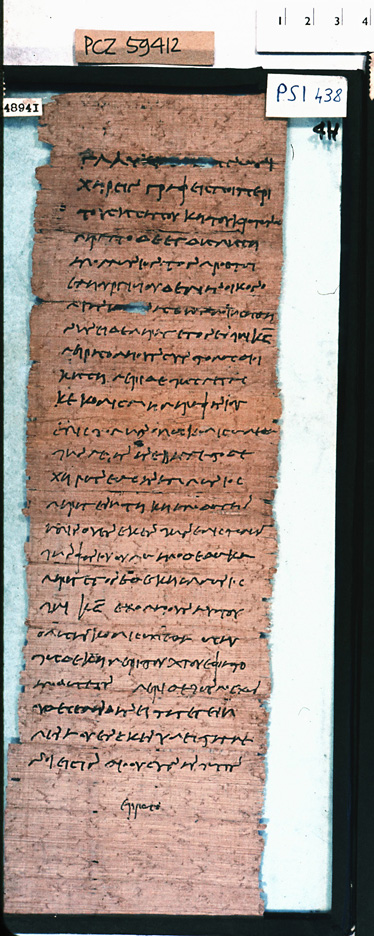γλαυ νωνι
χαιρειν γραφειϲμοιπερι
τουϲηϲαμου καιτουκροτωνοϲ
παρατοδεεγδημηϲαι
απολλωνιοντονπροϲτωι
ελαιουργιωιουδεμιανοικονο
μιαν αϲθηνποιηϲαϲθαι
νυνειδεπαραγεγονεντηικϛ
πειραϲομαιουνϲυντομωϲδιοι
κηϲαιπεριδετηϲλειαϲ
κεκομιϲμαιπαραφανιου
επιϲτοληνοπωϲκομιϲωμεθα
τηνλειαν ανεβαλλετοδε
χαιρωνεωϲαναμμωνιοϲ
παραγενηται καιαποδωϲειν
ημινουενεκεντηνεπιϲτολην
τηνφανιουουπωαποδεδωκα
παραγεγονεδεκαιαμμωνιοϲ
τηι κϛ εχομαιουναυτου
οπωϲανκομιϲωμεθα ωϲαυ
τωϲδεκαιπεριτουχιουεφατο
αποδωϲειν περιδετωνμοϲχων
ουδεϲελανθανειταγεγενη
μεναουενεκενυπεϲταλμε
νοιειϲινδιοουϲυναντωϲιν
ερρωϲο